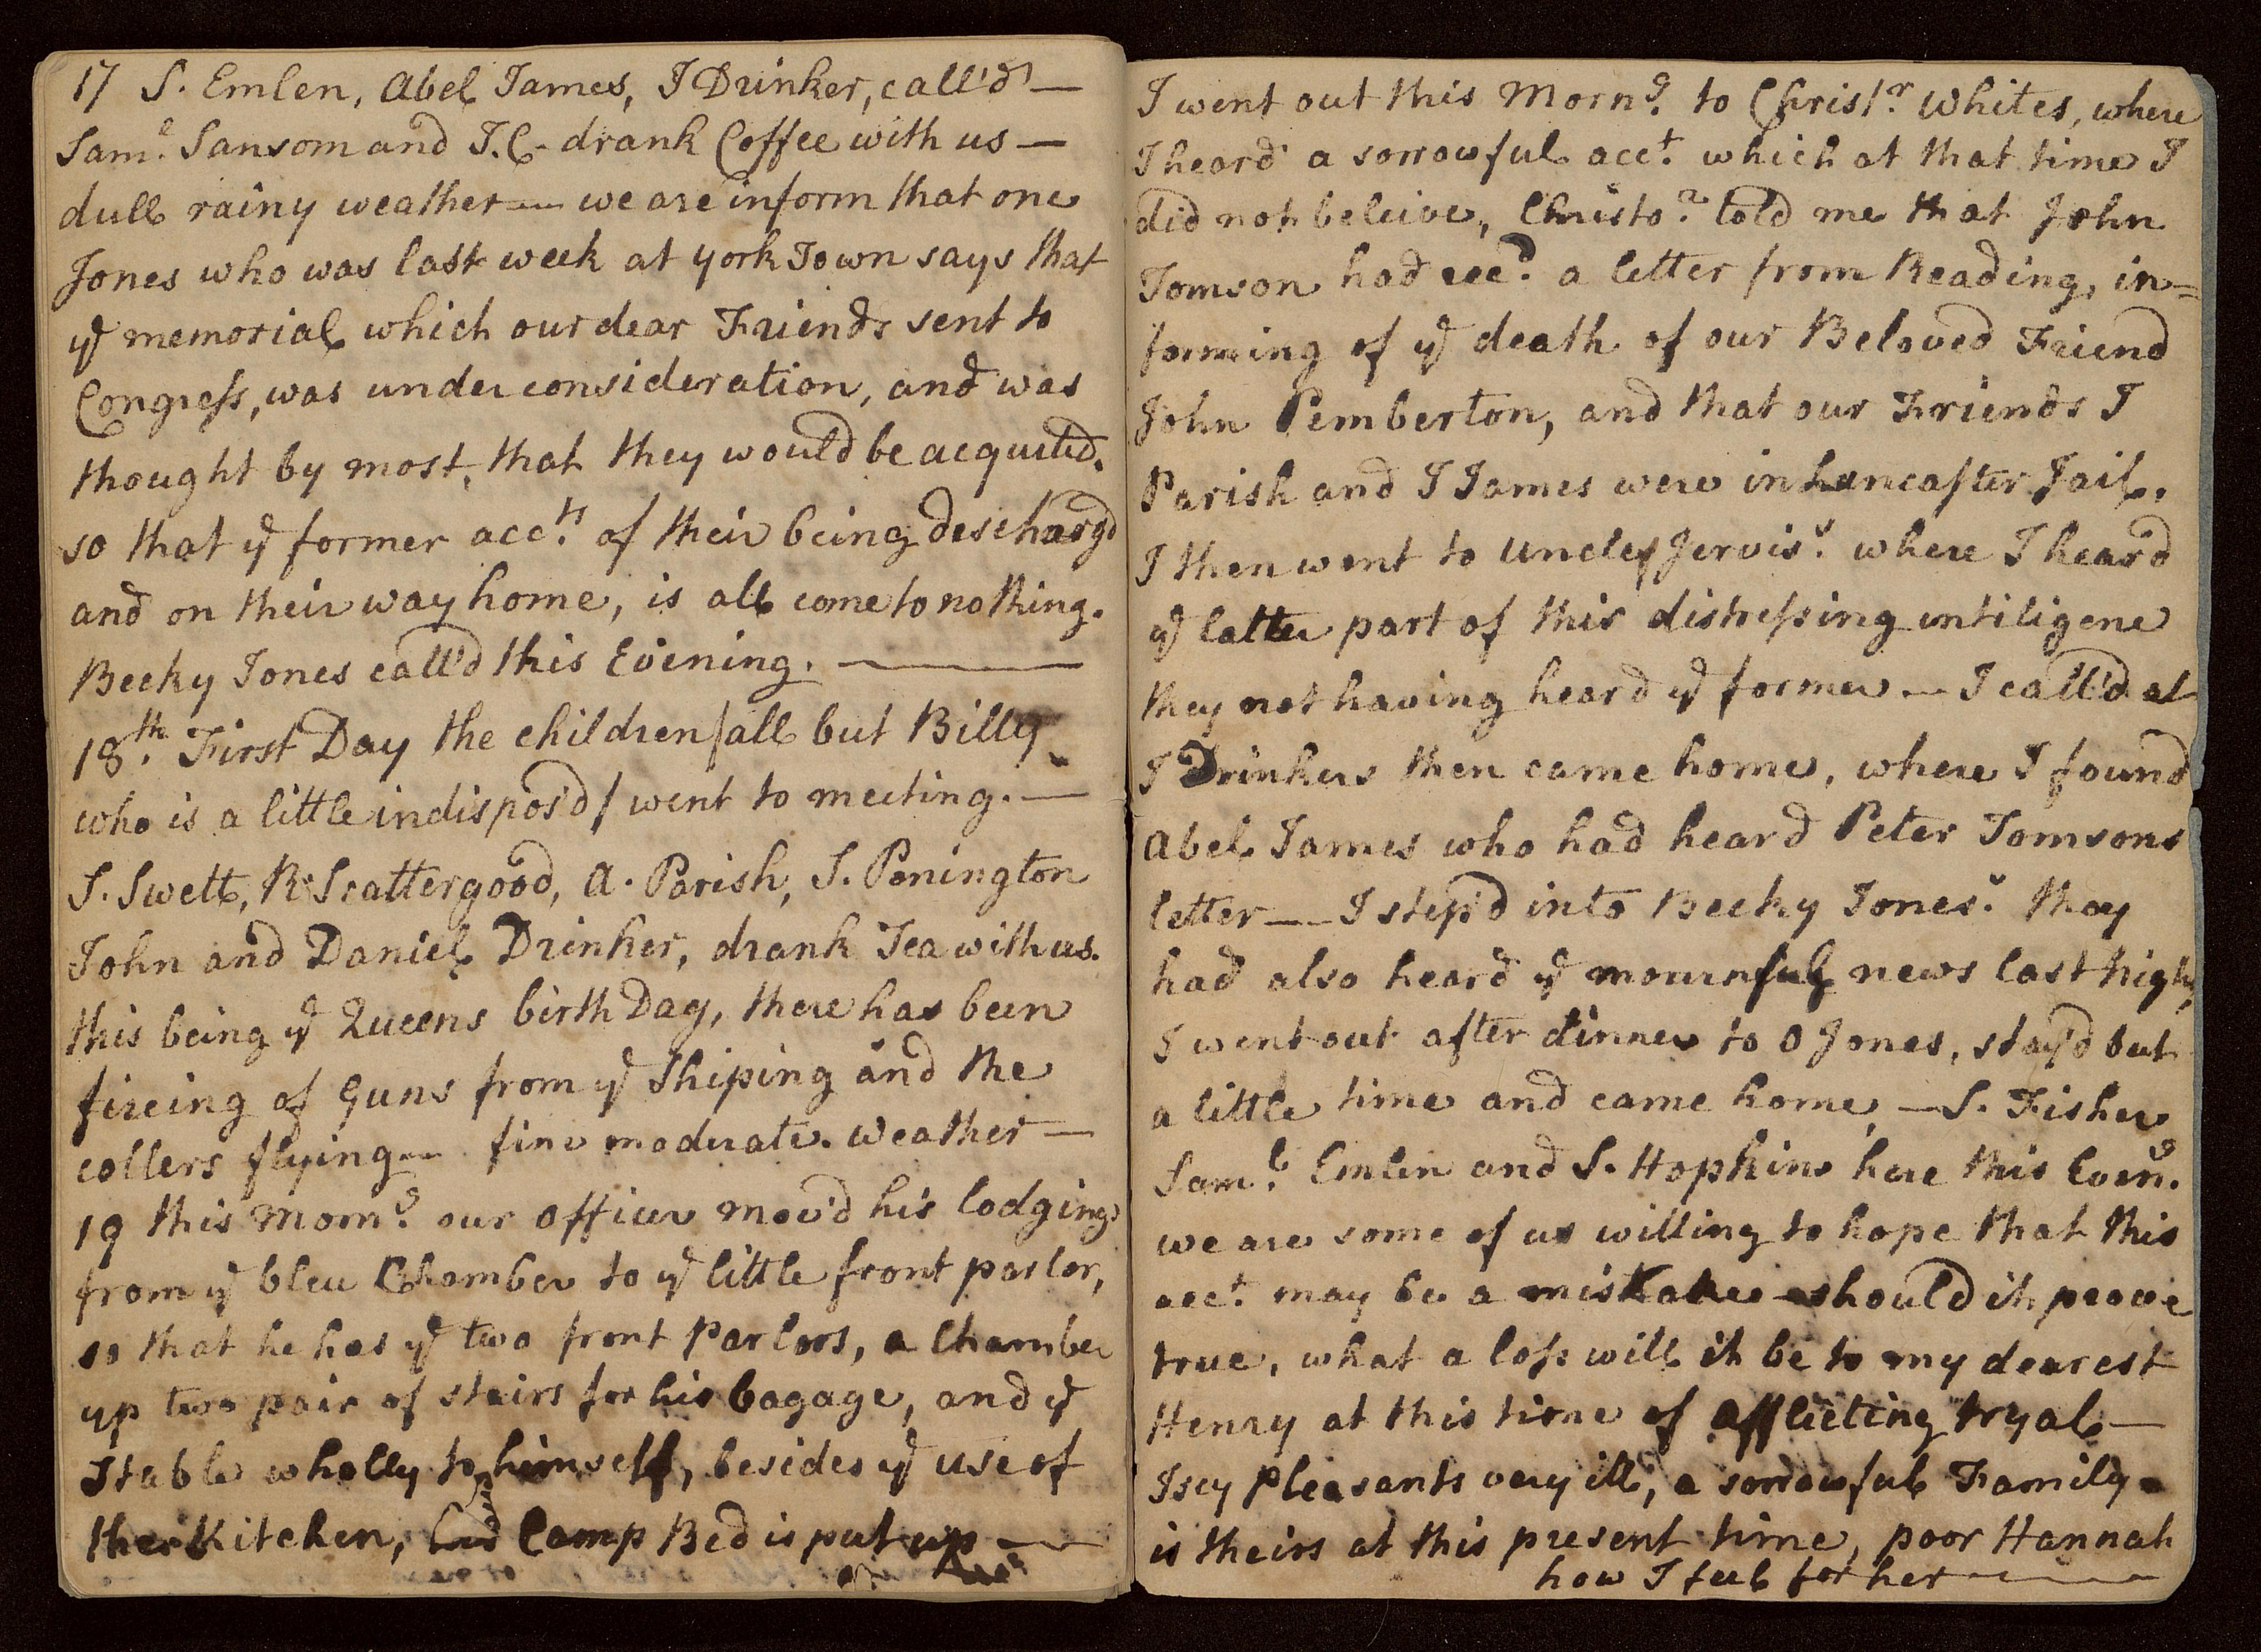17 S. Emlen, Abel James, I Drinker, call'd-
Sam^l. Sansom and I.C. drank Coffee with us-
dull rainy weather- we are inform that one
Jones who was last week at York Town says that
y^e memorial which our dear Friends sent to
Congress, was under consideration, and was
thought by most, that they would be acquited,
so that y^e former acc^ts. of their being discharg'd
and on their way home, is all come to nothing.
Becky Jones call'd this Evening.-
18^th. First Day the children /all but Billy
who is a little indispos'd/ went to meeting.-
S. Swet, R. Scattergood, A. Parish, S. Penington
John and Daniel Drinker, drank Tea with us.
this being y^e Queens birth Day, there has been
fireing of Guns from y^e Shiping and the
collers flying- fine moderate. Weather-
19 this Morn^g. our Officer mov'd his lodgings
from y^e bleu Chamber to y^e little front parlor,
s0 that he has y^e two front Parlors, a Chamber
up two pair of stairs for his bagage, and y^e
stable wholly to himself, besides y^e use of
the Kitchen, [___] Camp Bed is put up-
I went out this Morn^g. to Christ^r. Whites, where
I heard a sorrowful acc^t. which at that time I
did not beleive, Chisto^r. told me that John
Tomson had rec^d. a letter from Reading, in-
forming of y^e death of our Beloved Friend
John Pemberton, and that our Friends I
Parish and I James were in Lancaster Jail,
I then went to Uncle Jervis^s. where I heard
y^e latter part of this distressing intiligene
they not having heard y^e former- I call'd at
I Drinkers then came home, where I found
Abel James who had heard Peter Samsons
letter- I step'd into Becky Jones^s. they
had also heard y^e mournful news last Night
I went out after dinner to O Jones, stay'd but
a little time and came home- S. Fisher
Sam^l. Emlen and S. Hopkins here this Even^g.
we are some of us willing to hope that this
acc^t. may be a mistake- should it prove
true, what a loss will it be to my dearest
Henry at this time of Afflicting tryal-
Jsey Pleasants very ill, a sorrowful Family-
is theirs at this present time, poor Hannah
how I feel for her -